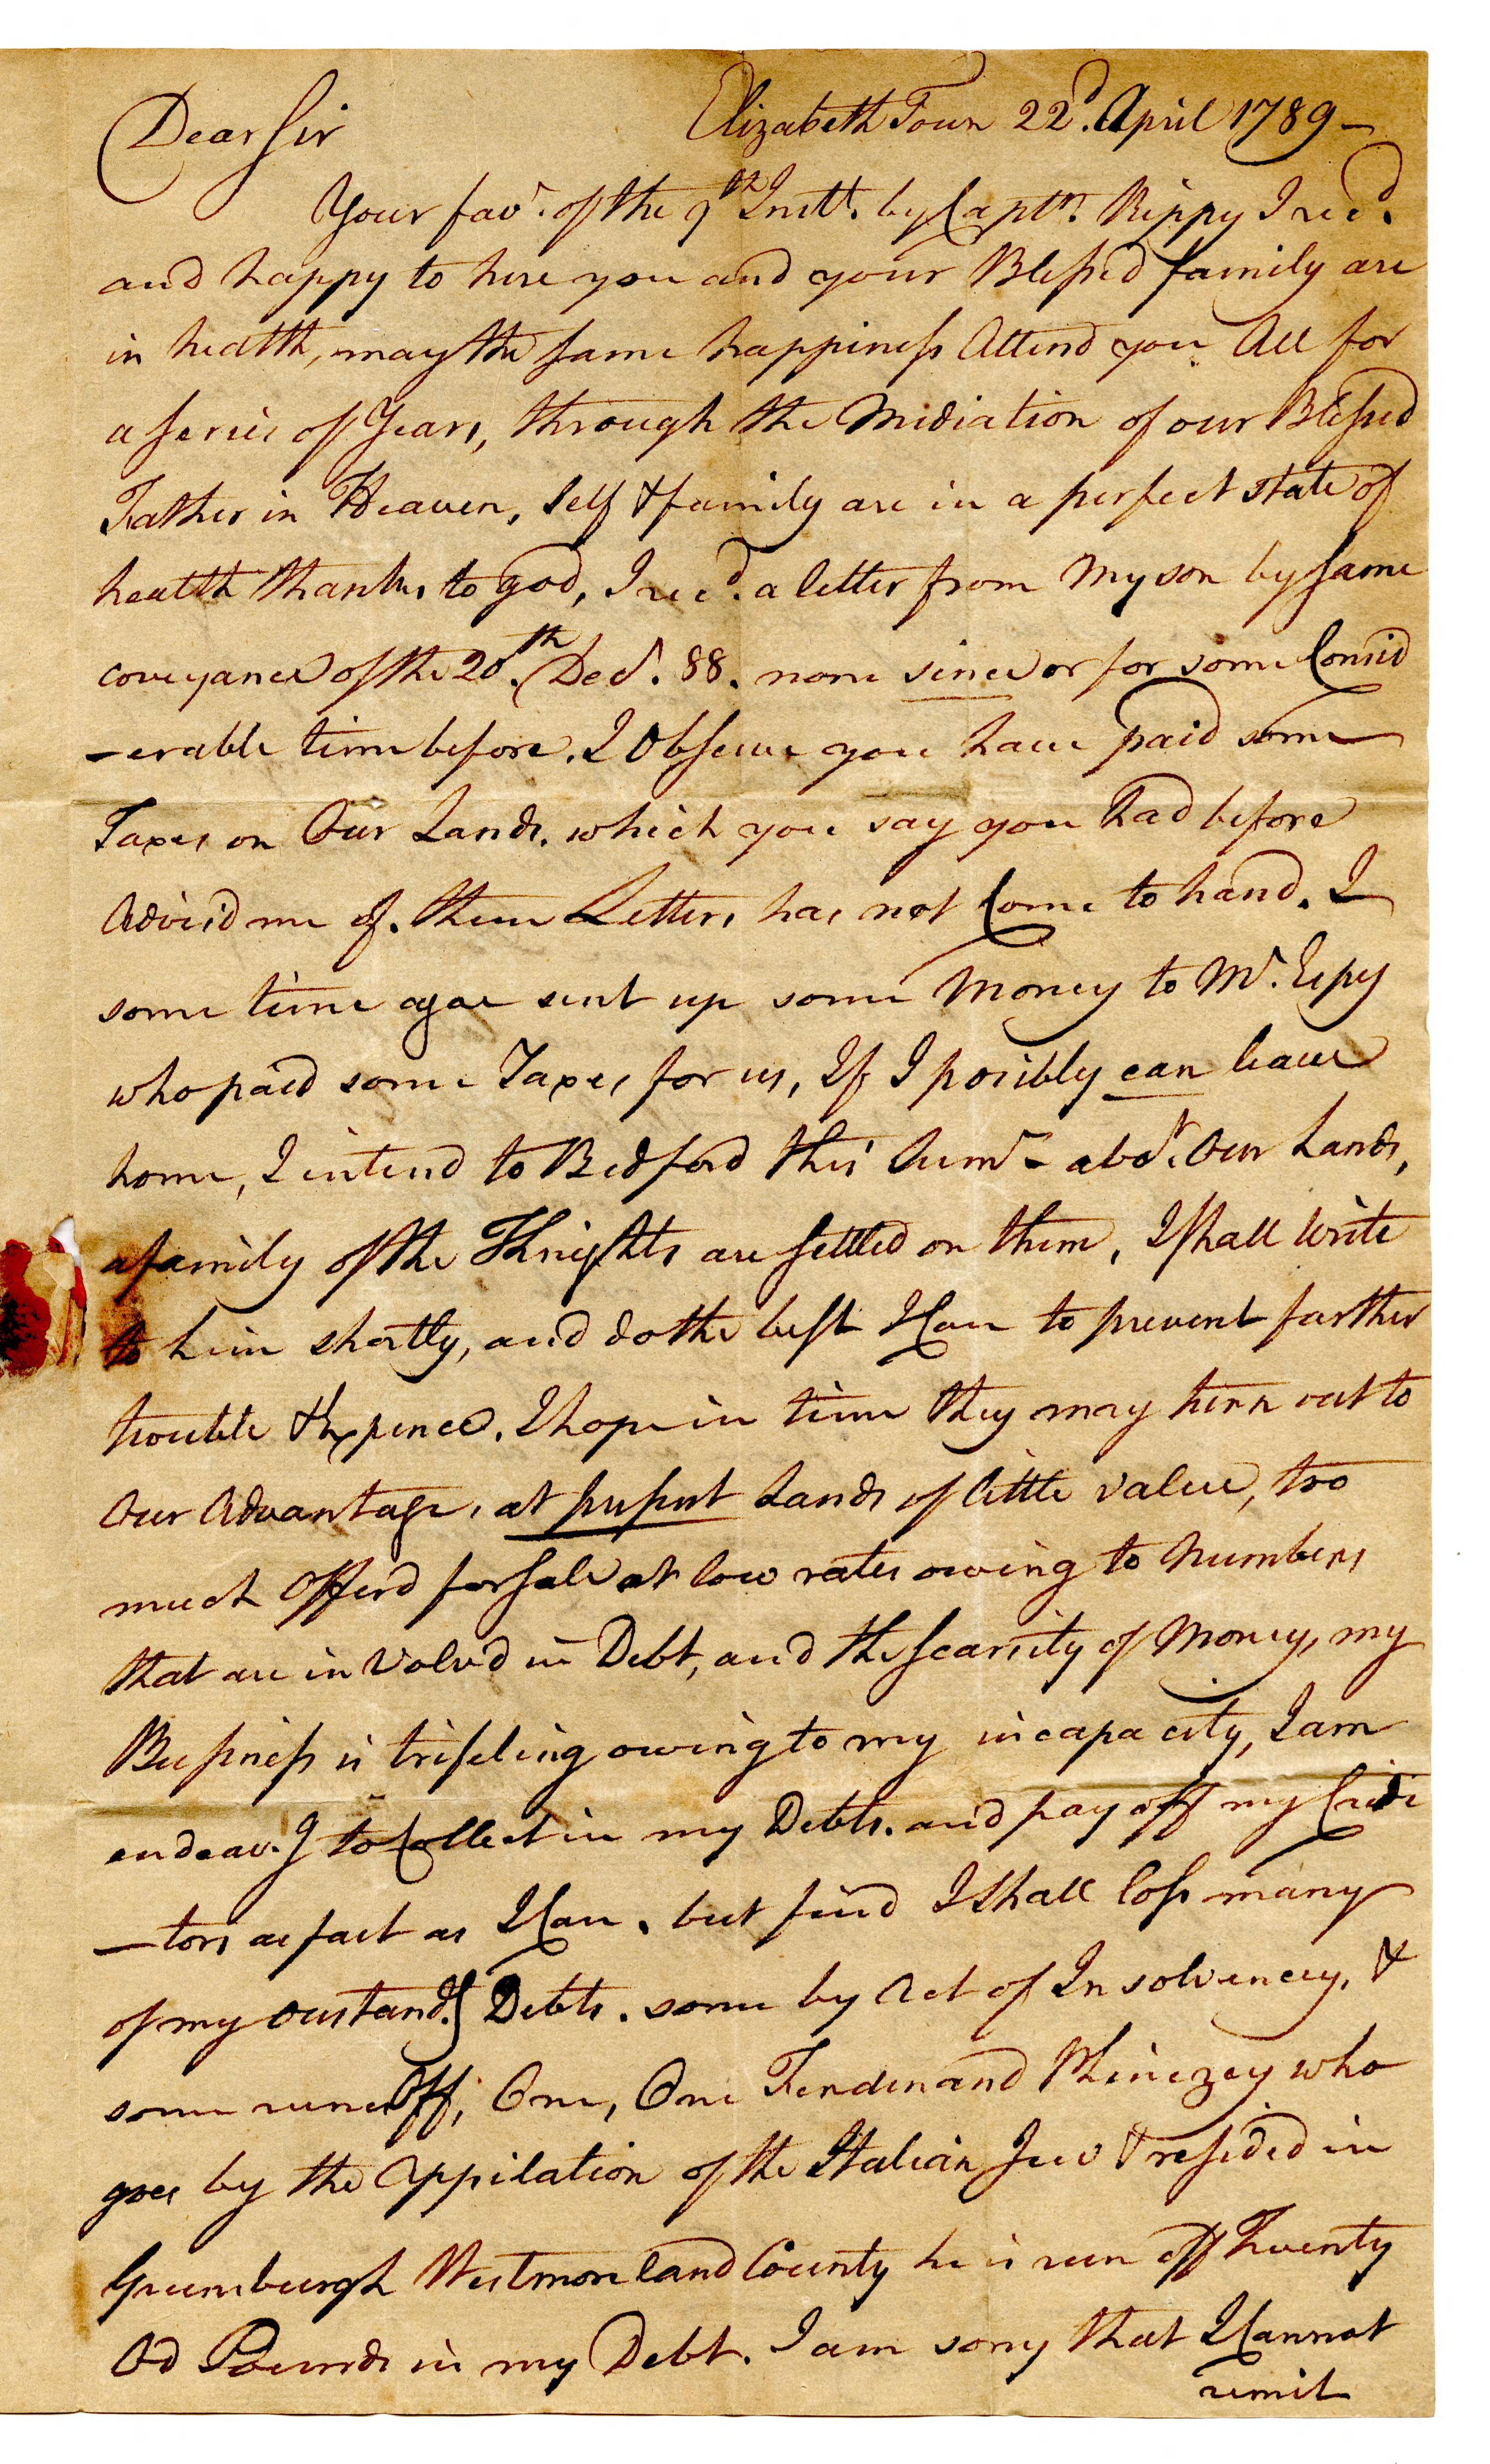Elizabeth Town 22^d. April 1789-
Dear sir
Your fav^r of the 9^th Inst^t. by Capt^n. Rippy I rec^d.
and happy to here you and your Blessed family are
in health may the same happiness Attend you all for
a series of years, through the Midiation of our Blessed
Father in Heaven, self & family are in a perfect state of
health thanks to god, I rec^d. a letter from My son by same
conveyance of the 20^th Dec^r. 88. none since for for some Consid-
-erable time before. I observe you have paid some
Taxes on Our Lands which you say you had before
Advis'd me of. these Letters has not come to hand, I
some time you sent up some money to M^r. Espy
who paid some Taxes for us, If I posibly can leave
home, I intend to Bedford this Sum^r. abo^t. Our Lands,
a family of the Thrights are settled on them, I shall write
to him shortly, and do the best & Care to prevent farther
trouble & expence, I hope in time they may him out to
Our Advantage, at present lands of little value, too
much Offer'd for sale at low rates owing to Numbers
that are involv'd in Debt, and the Scarcity of Money, my
Buisness is trifling owing to my incapacity, I am
endeav^g to Collect in my Debts. and pay off my credi-
-tors as fast as I can. but find I shall loss many
of my oustand^g Debts. some by Act of Insolvencey, &
some run off, one, one Ferdinand Phinezay who
goes by the appilation of the Italian Jews Presided in
Greenburgh Westmoreland County he is seen off Twenty
Od Pounds in my Debt. I am sorry that I Cannot
remit